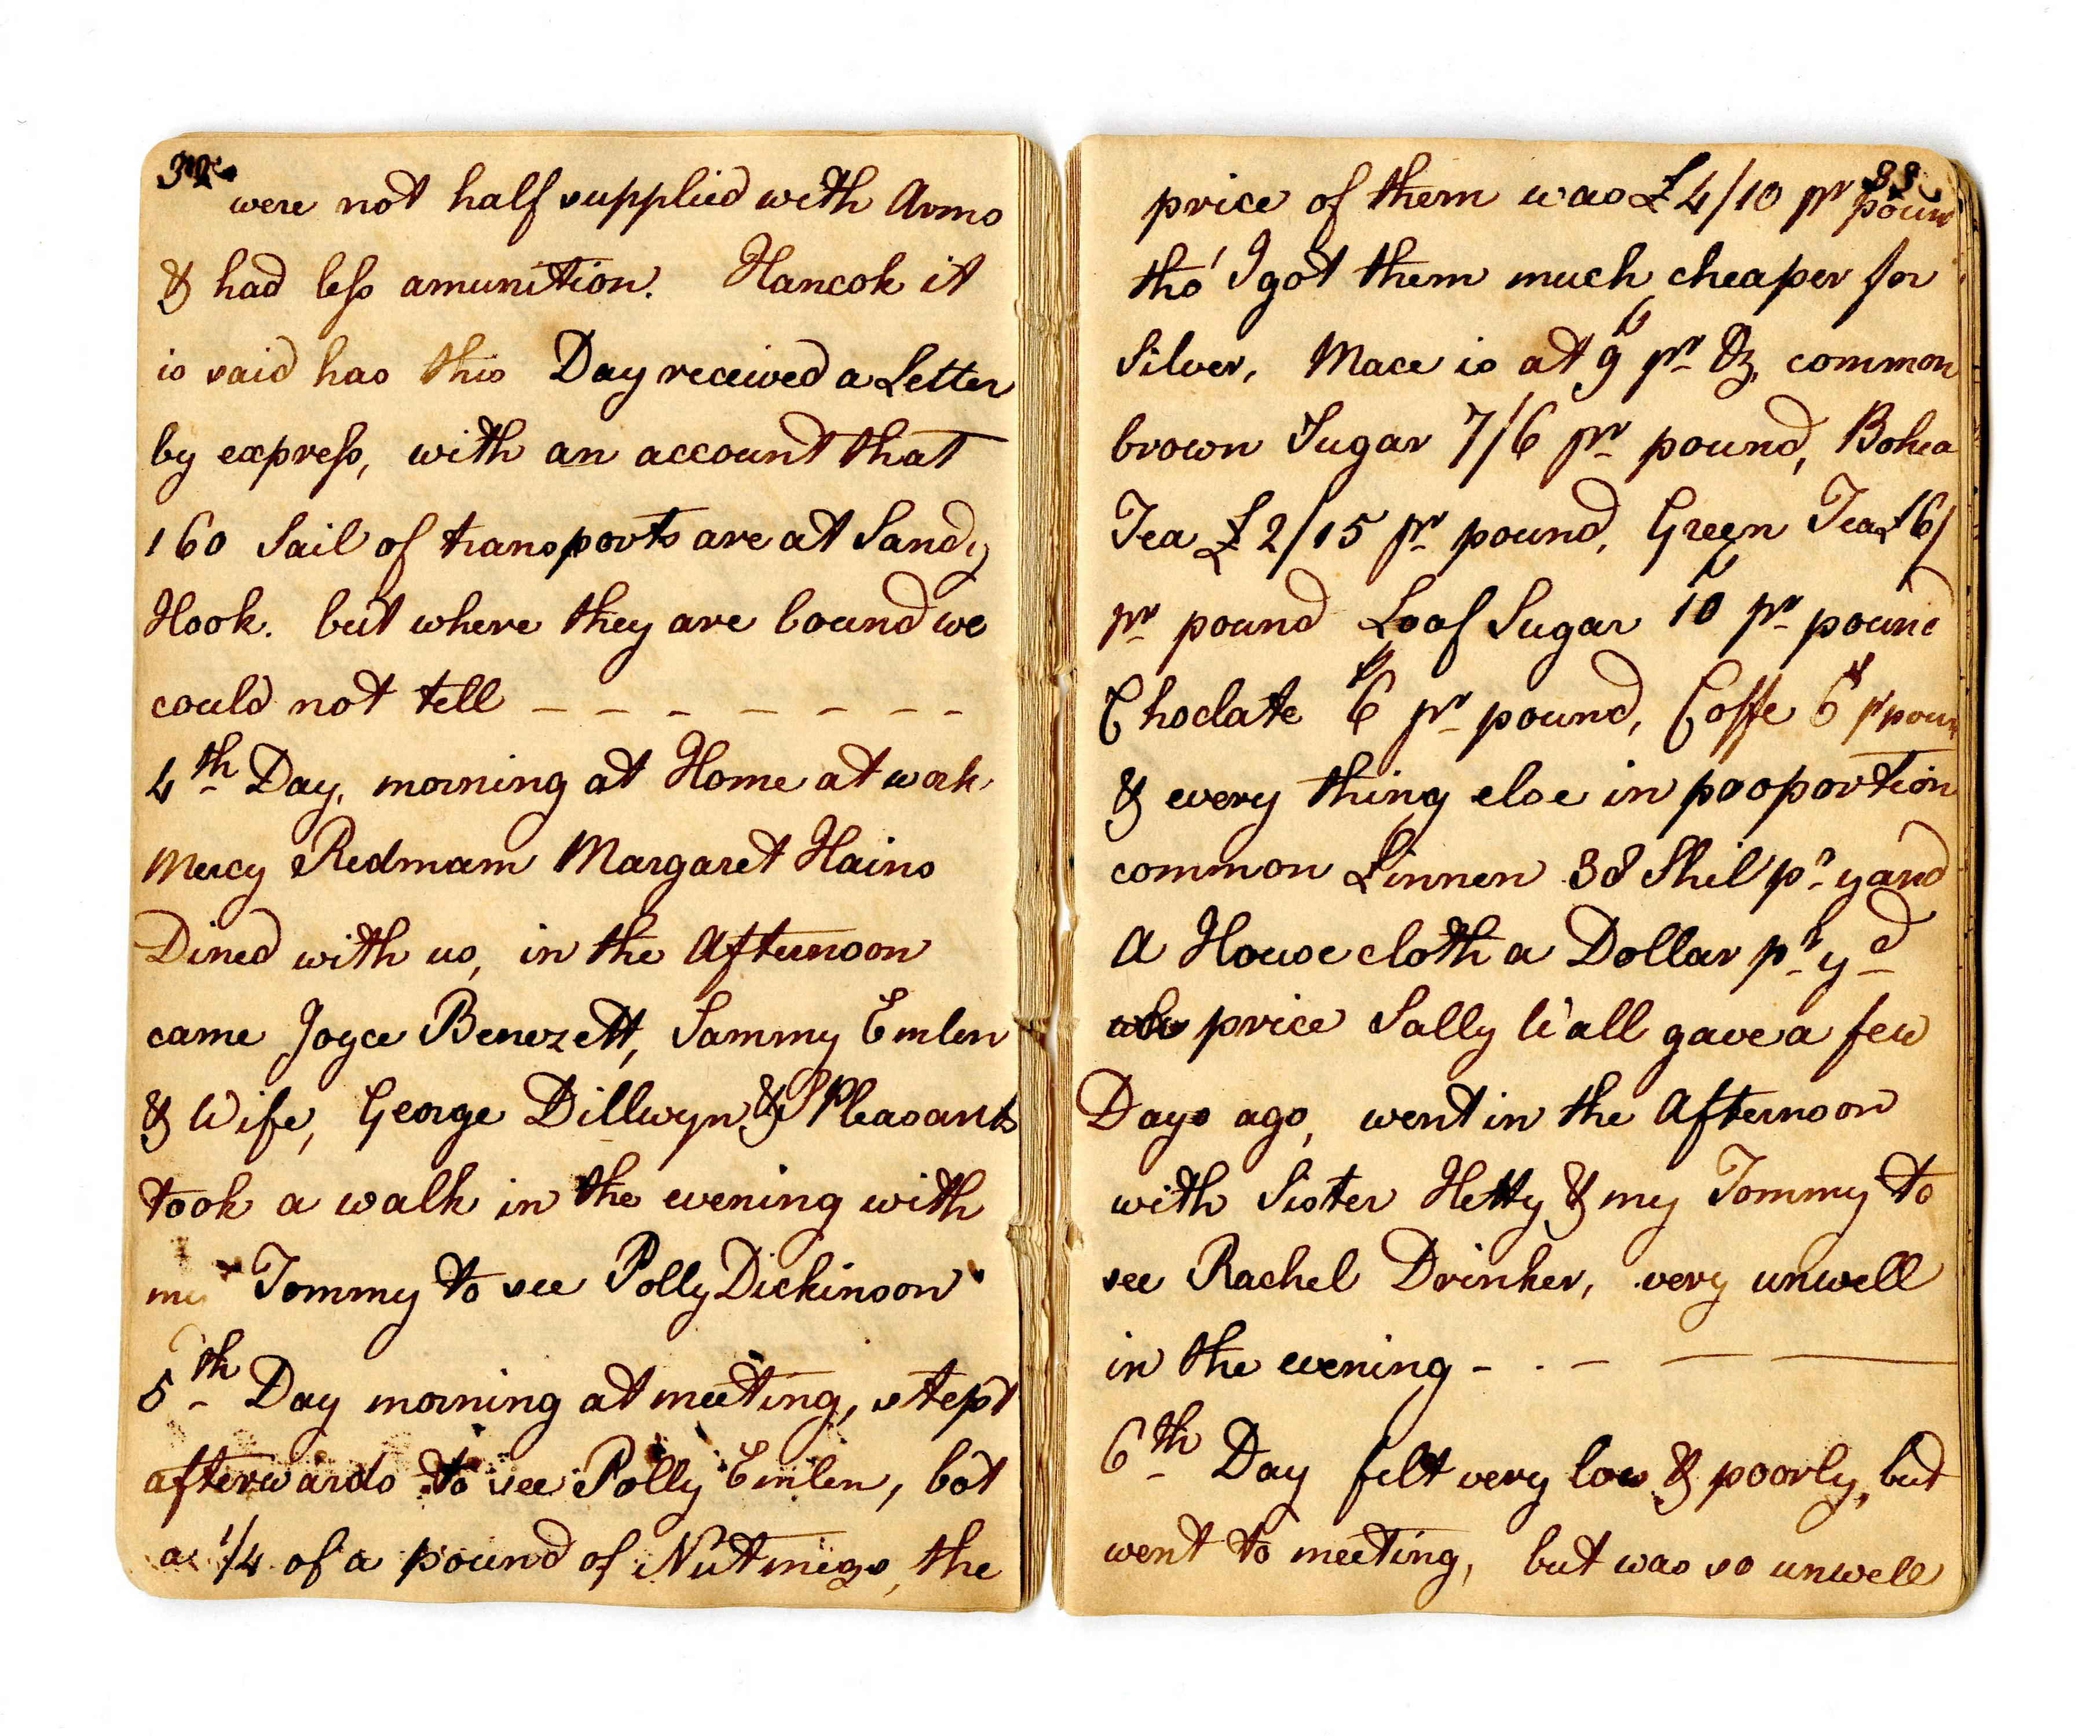were not half supplied with Ammo
& had less ammunition. Hancock it
is said has this Day received a Letter
by express, with an account that
160 Sail of transports are at Sandy
Hook. but where they are bound we
could not tell-
4^th Day, morning at Home at work,
Mercy Redmam Margaret Hains
Dined with us, in the Afternoon
came Joyce Benezett, Sammy Emlen
& Wife, George Dillwyn & P Pleasants
took a walk in the evening with
my Tommy to se Polly Dickinson
5^th Day morning at meeting, stept
afterwards to see Polly Emlen, bot
a 1/4 of a pound of Nutmegs, the
33
price of them was £4s10 p^r pound
tho' I got them much cheaper for
Silver, Mace is at 9^6 p^r Oz, common
brown Sugar 7s6 p^r pound, Bohea
Tea £2s15 per pound, Green Tea 16s
per pound Loaf Sugar 10^6 p^r pound
Choclate 6 p^r pound, Coffe 6 p^r pound
& every thing else in proportion
common Linnen 38 Shil per yard
A House cloth a Dollar p^r y^d
[wh] price Sally Wall gave a few
Days ago, went in the Afternoon
with Sister Hetty & my Tommy to
see Rachel Drinker, very unwell
in the evening-
6^th Day felt very low & poorly, but
went to meeting, but so unwell